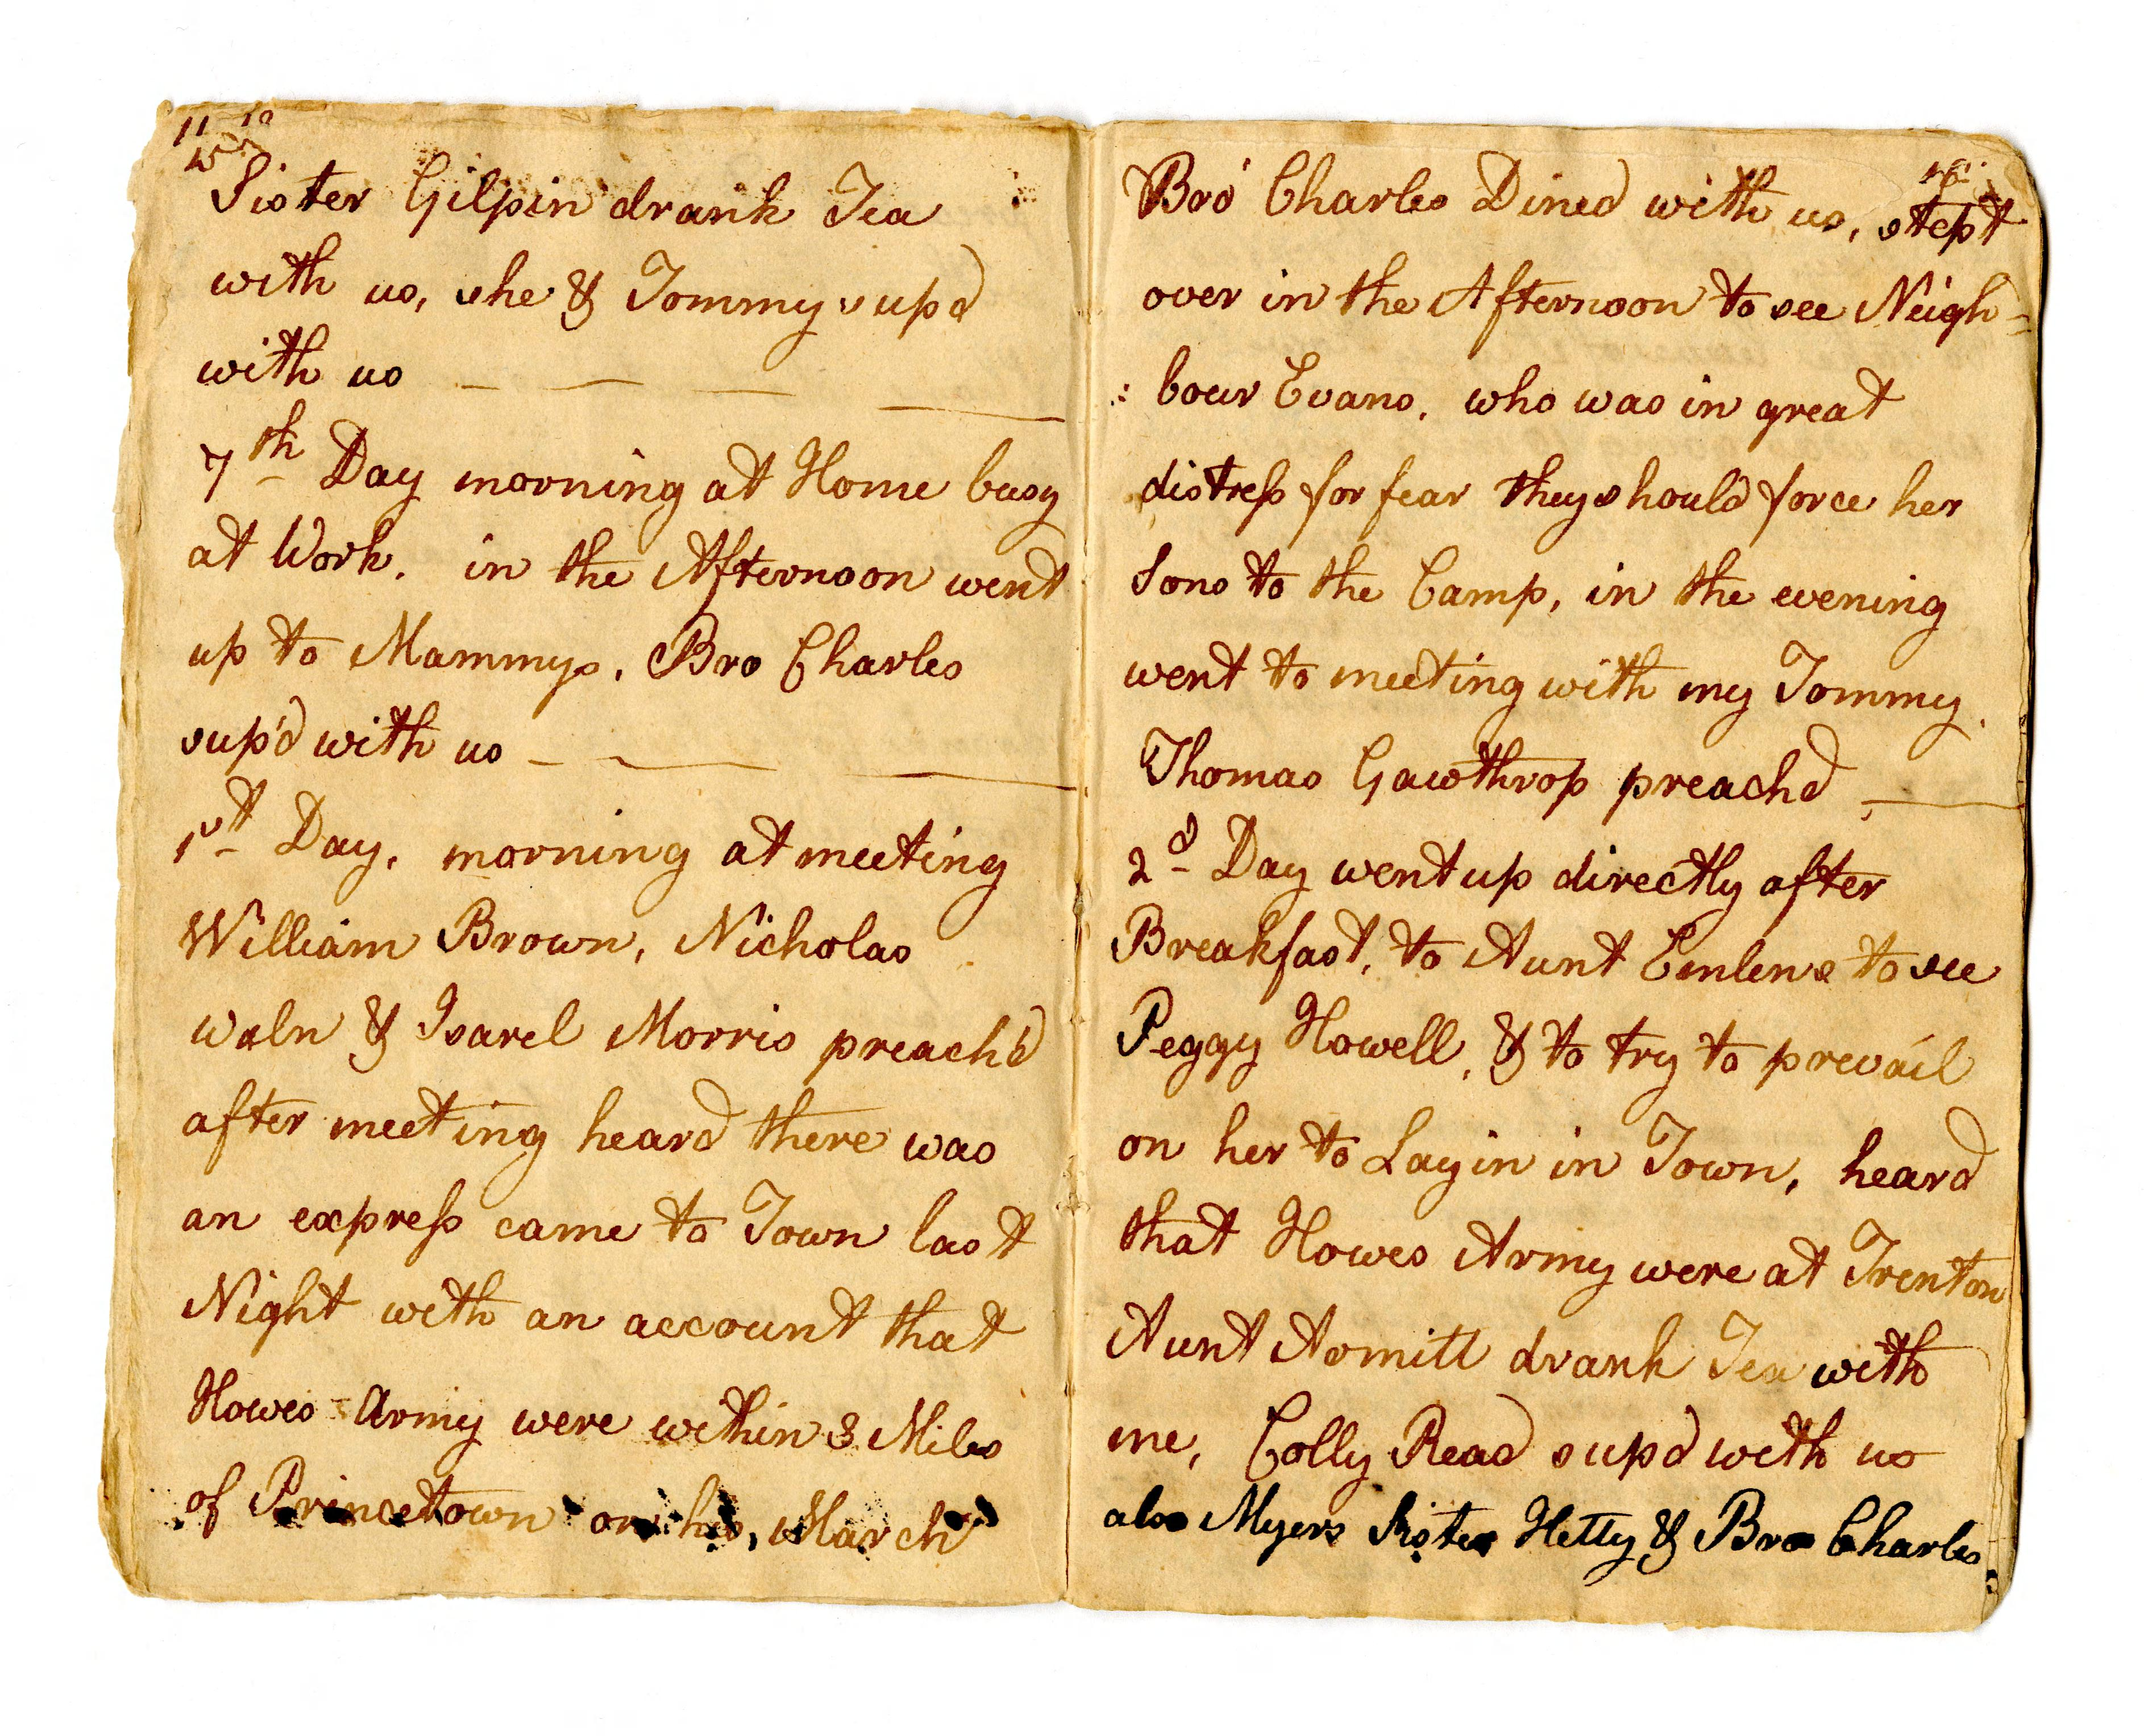Sister Gilpin drank Tea
with us, she & Tommy supd
with us-
7^th Day morning at Home busy
at Work, in the Afternoon went
up to Mammys, Bro Charles
sup'd with us-
1^st Day, morning at meeting
William Brown, Nicholas
Waln & Isarel Morris preach'd
after meeting heard there was
an express came to Town last
Night with an account that
Howes Army were within 3 Miles
of Princeton on his March
Bro' Charles Dined with us, stept
over in the Afternoon to see Neigh-
-bour Evans, who was in great
distress for fear they should force her
Sons to the Camp, in the evening
went to meeting with my Tommy,
Thomas Gawthrop preachd-
2^d Day went up directly after
Breakfast, to Aunt Emlens to see
Peggy Howell, & to try to prevail
on her to Lay in in Town, heard
that Howes Army were at Trenton
Aunt Armitt drank Tea with
me, Colly Read supd with us
also Myers Hetty & Bro Charles